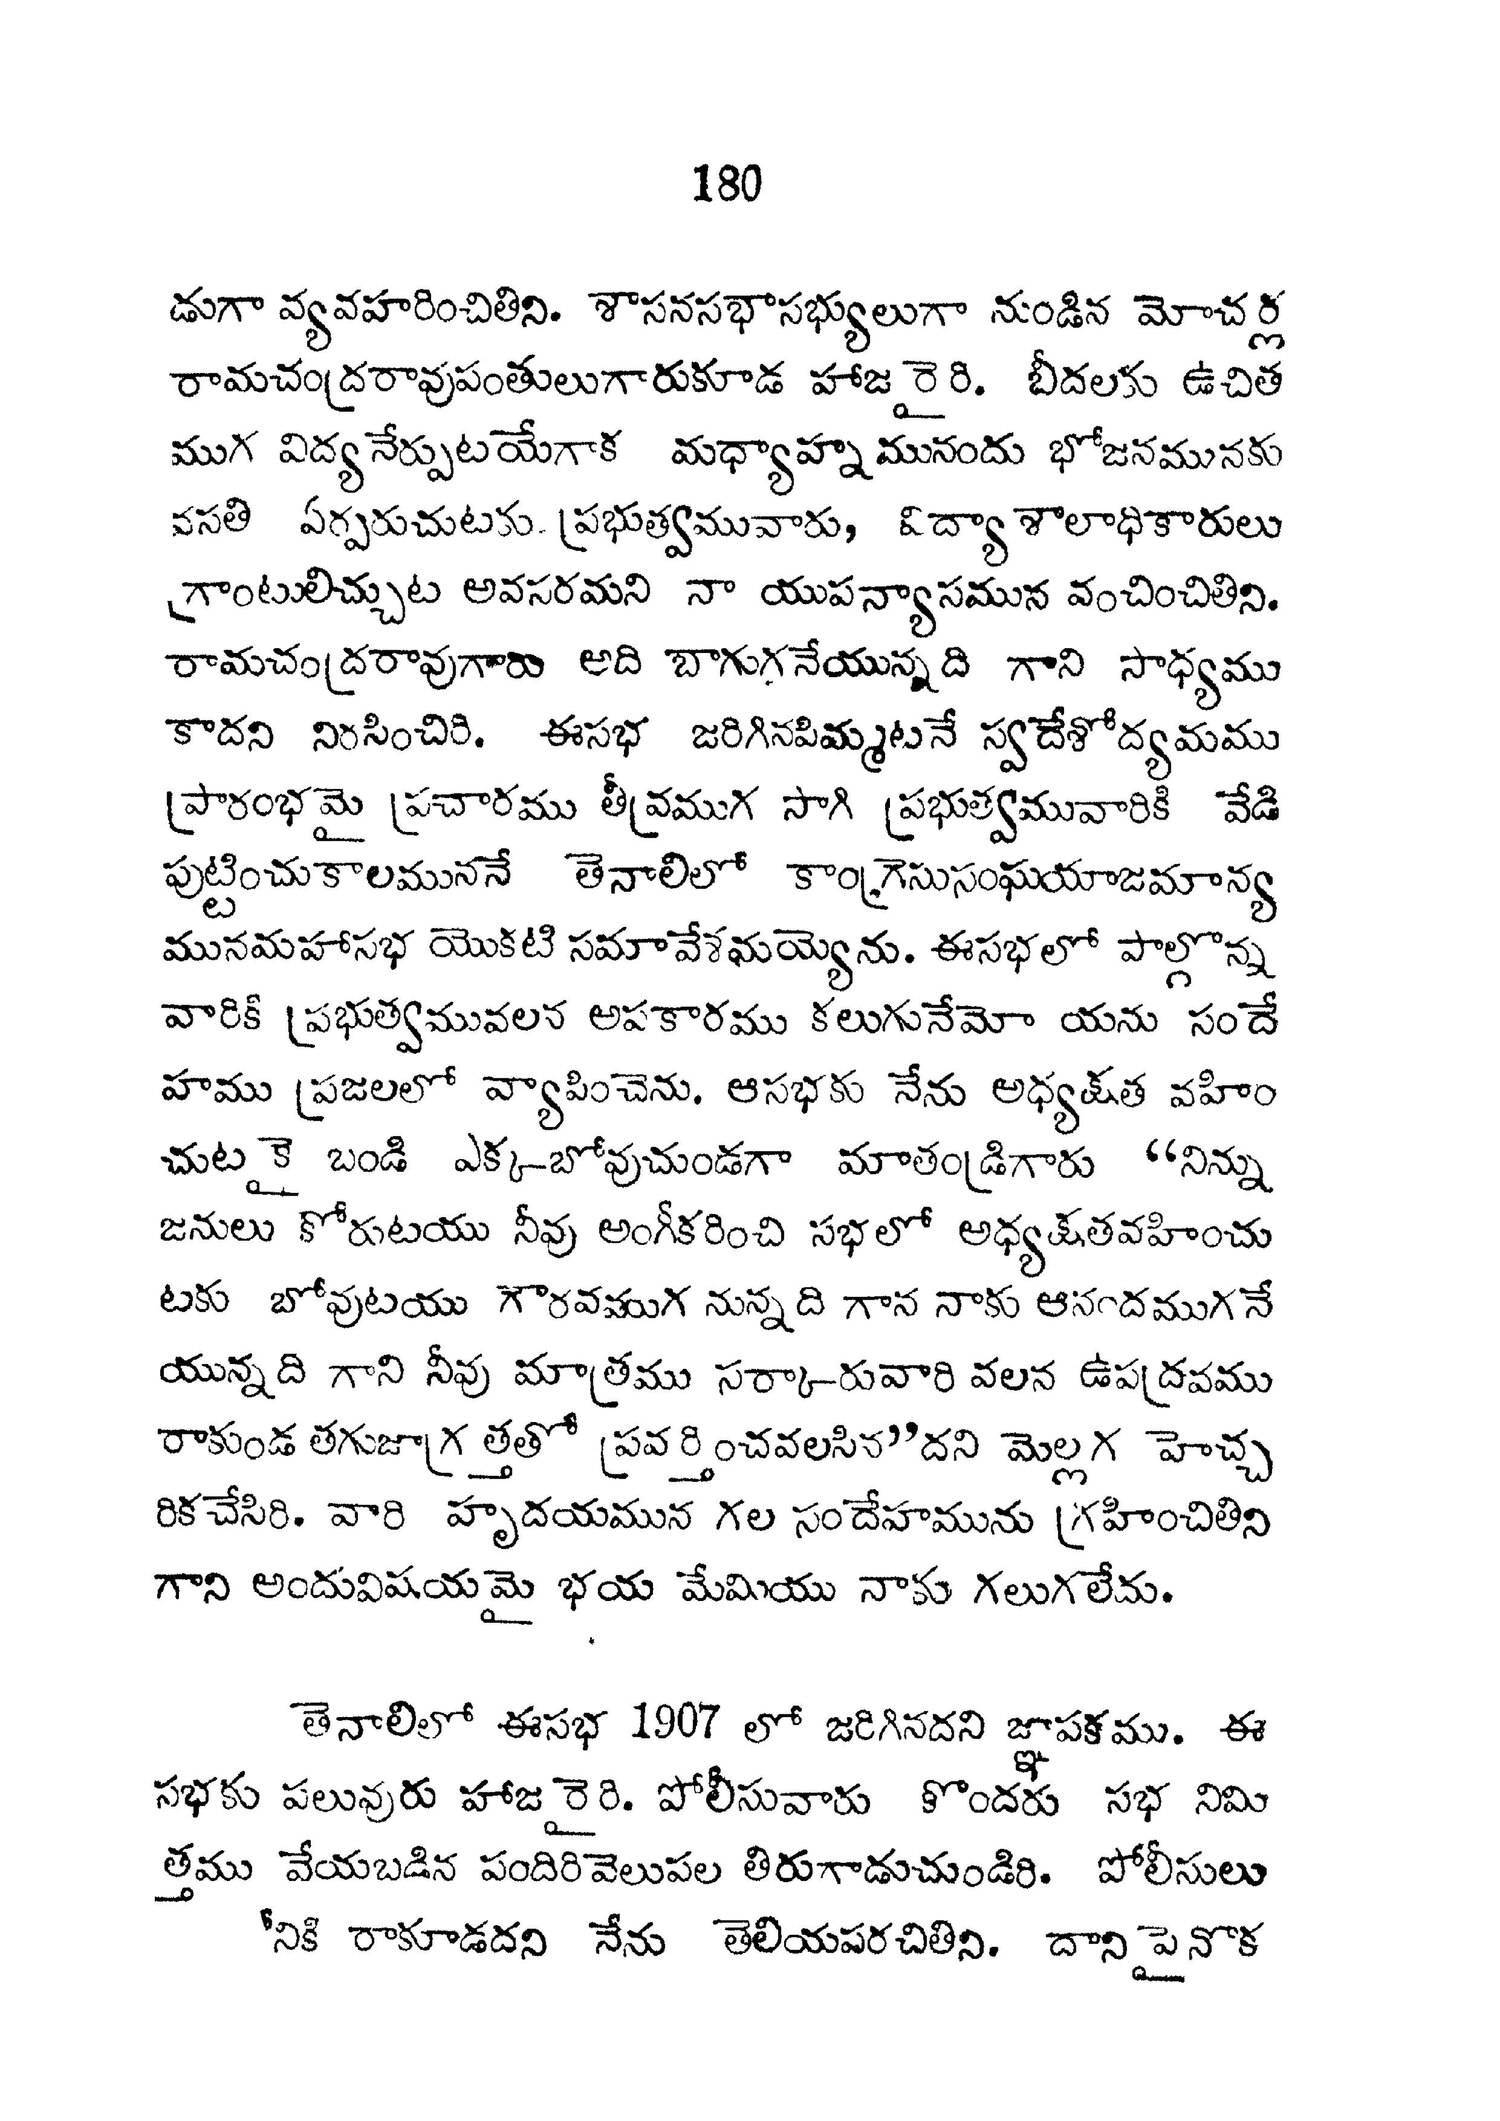డుగా వ్యవహరించితిని. శాసనసభాసభ్యులుగా నుండిన మోచర్ల రామచంద్రరావుపంతులుగారుకూడ హాజరైరి. బీదలకు ఉచితముగ విద్యనేర్పుటయేగాక మధ్యాహ్నమునందు భోజనమునకు వసత ఏర్పరుచుటకు ప్రభుత్వమువారు, విద్యాశాలాధికారులు గ్రాంటులిచ్చుట అవసరమని నా యుపన్యాసమున వచించితిని. రామచంద్రరావుగారు అది బాగుగనేయున్నది గాని సాధ్యము కాదని నిరసించిరి. ఈసభ జరిగినపిమ్మటనే స్వదేశోద్యమము ప్రారంభమై ప్రచారము తీవ్రముగ సాగి ప్రభుత్వమువారికి వేడిపుట్టించుకాలముననే తెనాలిలో కాంగ్రెసుసంఘయాజమాన్యమున మహాసభ యొకటి సమావేశమయ్యెను. ఈసభలో పాల్గొన్నవారికి ప్రభుత్వమువలన అపకారము కలుగునేమో యను సందేహము ప్రజలలో వ్యాపించెను. ఆసభకు నేను అధ్యక్షత వహించుటకై బండి ఎక్కబోవుచుండగా మాతంరిగారు "నిన్ను జనులు కోరుటయు నీవు అంగీకరించి సభలో అధ్యక్షతవహించుటకు బోవుటయు గౌరవముగ నున్నది గాన నాకు ఆనందముగనే యున్నది గాని నీవు మాత్రము సర్కారువారి వలన ఉపద్రవము రాకుండ తగుజాగ్రత్తతో ప్రవర్తించవలసిన"దని మెల్లగ హెచ్చరికచేసిరి. వారి హృదయమున గల సందేహమును గ్రహించితిని గాని అందువిషయమై భయ మేమియు నాకు గలుగలేదు.

తెనాలిలో ఈసభ 1907 లో జరిగినదని జ్ఞాపకము. ఈ సభకు పలువురు హాజరైరి. పోలీసువారు కొందరు సభ నిమిత్తము వేయబడిన పందిరవెలుపల తిరుగాడుచుండిరి. పోలీసులు లోనికి రాకూడదని తెలియపరచితిని. దానిపైనొక